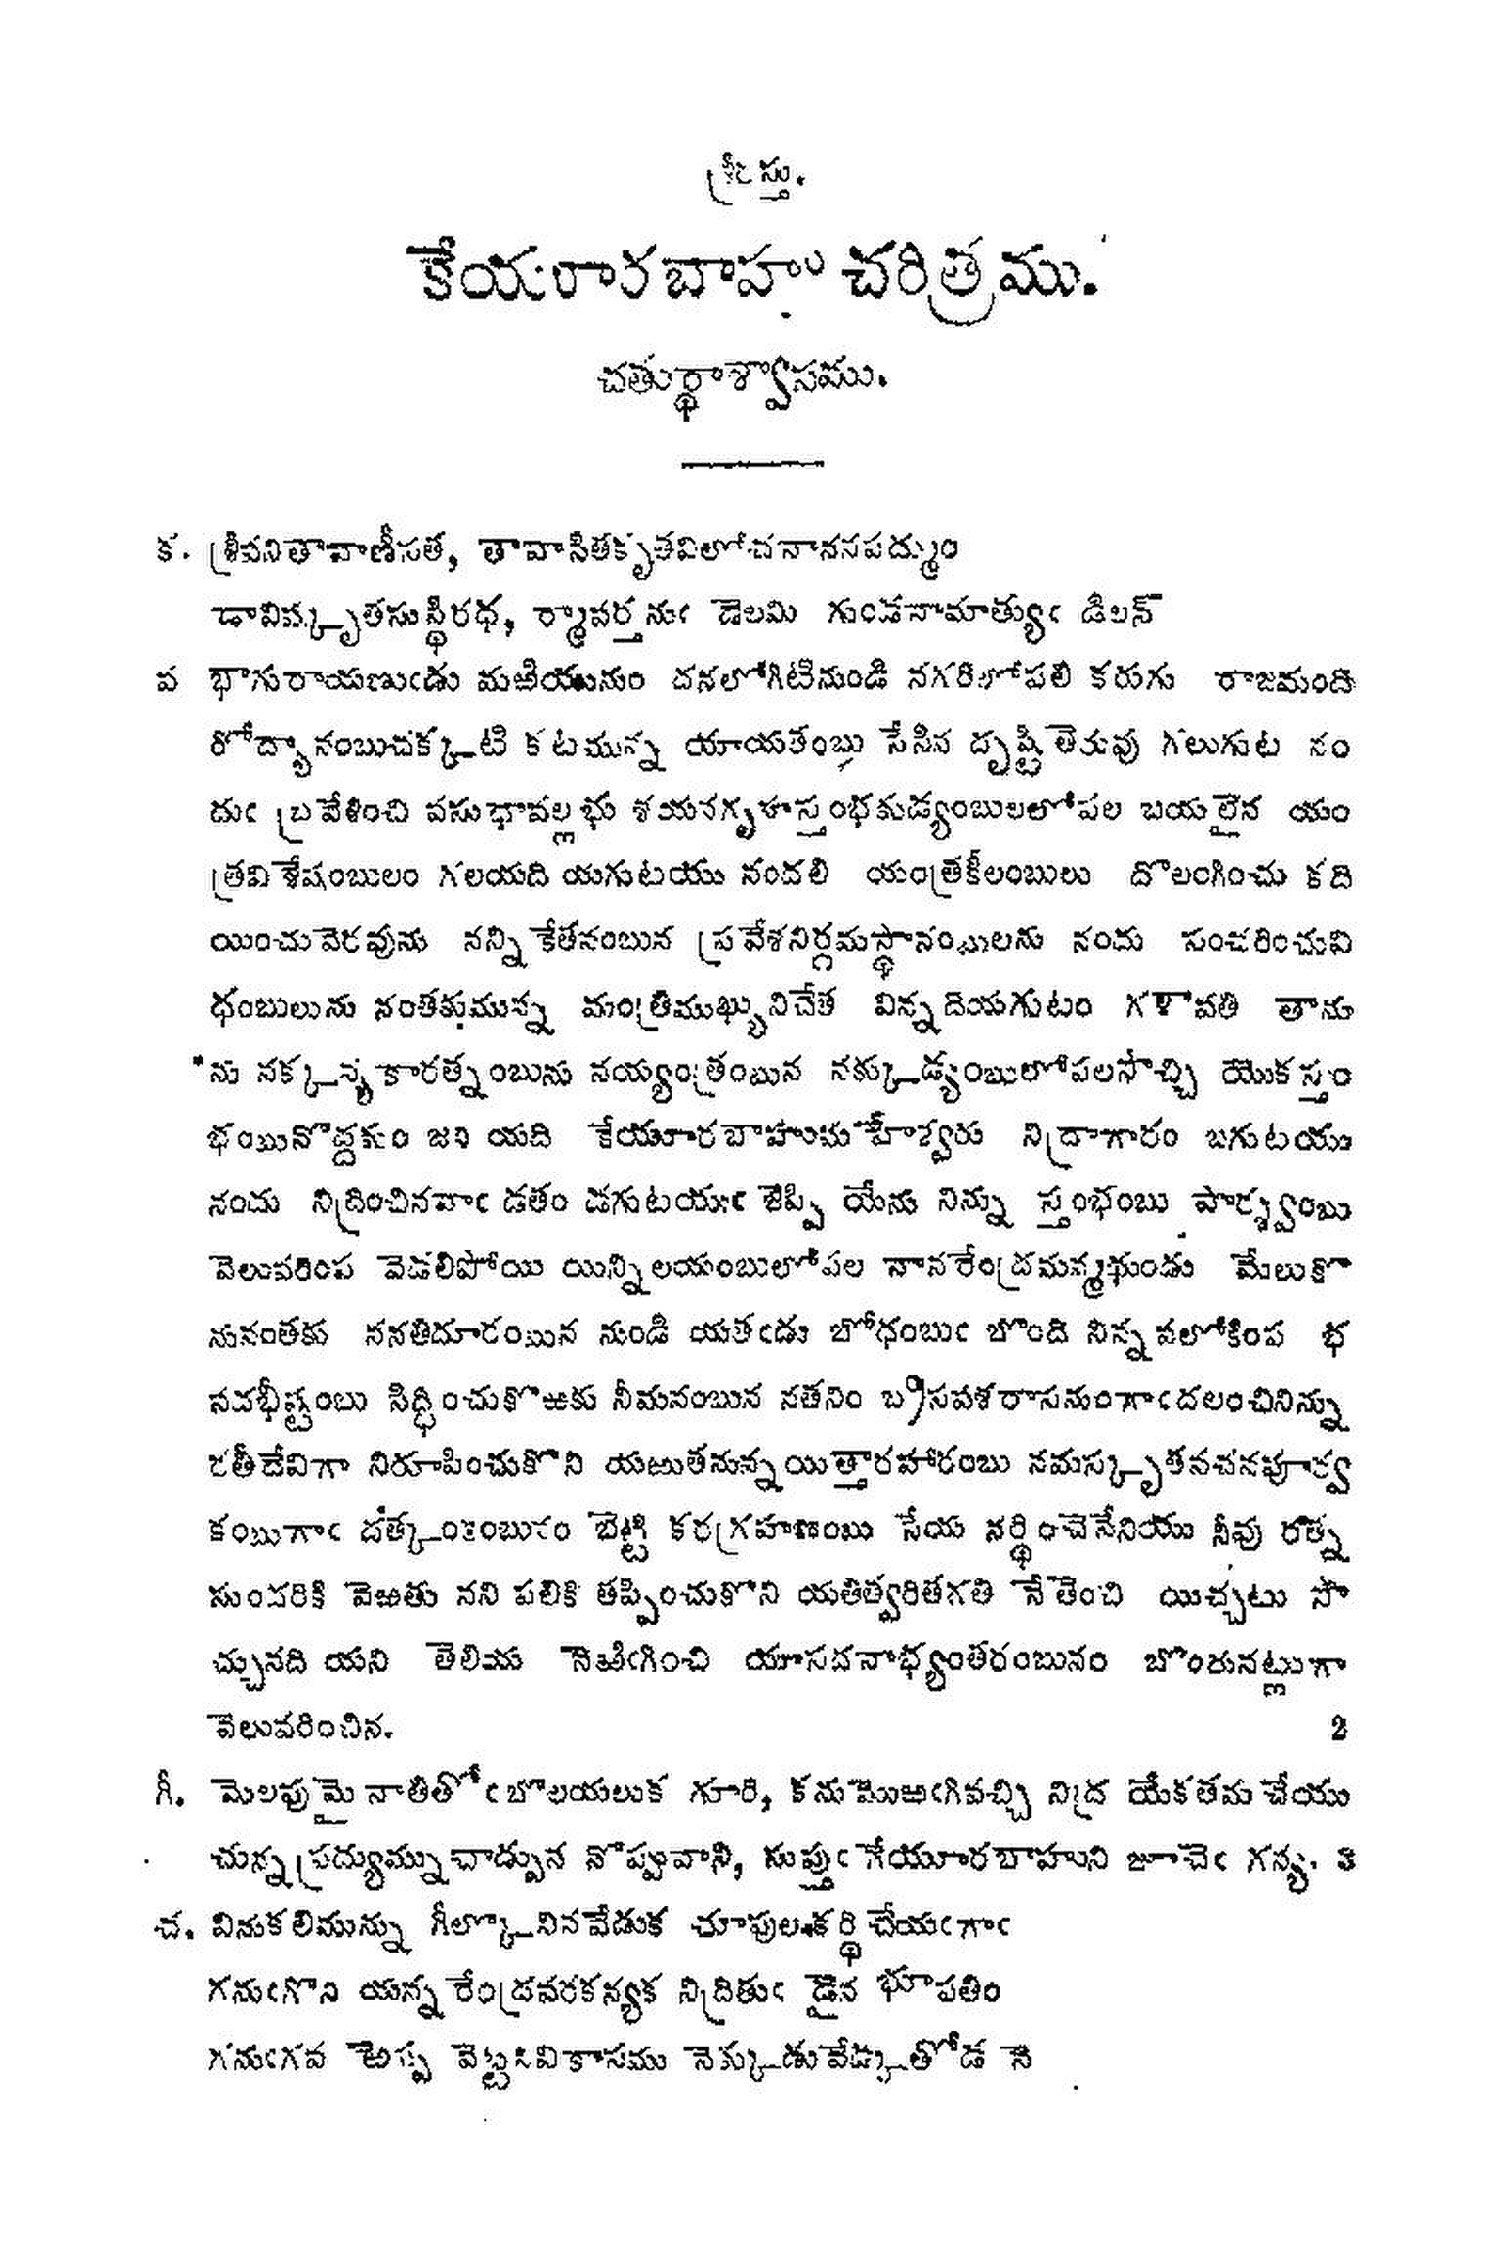కేయూరబాహుచరిత్రము
చతుర్థాశ్వాసము
క. శ్రీవనితావాణీసత, తాహసితకృతవిలోచనాననపద్ముం
 డావిష్కృతసుస్థిరధ, ర్మావర్తనుఁ డెలమి గుండనామాత్యుఁ డిలన్.
వ. భాగురాయణుఁడు మఱియునుం దనలోగిటినుండి నగరిలోపలి కరుగు రాజమంది
 రోద్యానంబుచక్కటి కటమున్న యాయతంబు సేసిన దృష్టితెరువు గలుగుట నం
 దుఁ బ్రవేశించి వసుధావల్లభు శయనగృహస్తంభకుడ్యంబులలోపల బయలైన యం
 త్రవిశేషంబులం గలయది యగుటయు నందలి యంత్రకీలంబులు దొలంగించు కది
 యించు వెరవును నన్నికేతనంబున ప్రవేశనిర్గమస్థానంబులను నందు సంచరించువి
 ధంబులును నంతకుమున్న మంత్రిముఖ్యునిచేత విన్నదియగుటం గళావతి తాను
 ను నక్కన్యకారత్నంబును నయ్యంత్రంబున నక్కుడ్యంబులోపల సొచ్చి యొకస్తం
 భంబునొద్దకుం జని యది కేయూరబాహుమహేశ్వరు నిద్రాగారం బగుటయు
 నంచు నిద్రించినవాఁ డతం డగుటయుఁ జెప్పి యేను నిన్ను స్తంభంబు పార్శ్వంబు
 వెలువరింప వెడలిపోయి యిన్నిలయంబులోపల నానరేంద్రమన్మథుండు మేలుకొ
 నునంతకు ననతిదూరంబున నుండి యతఁడు బోధంబుఁ బొంది ని న్నవలోకింప భ
 వదభీష్టంబు సిద్ధించుకొఱకు నీమనంబున నతనిం బ్రసవశరాసనుంగాఁ దలంచి నిన్ను
 రతీదేవిగా నిరూపించుకొని యఱుతనున్నయిత్తారహారంబు నమస్కృతవచనపూర్వ
 కంబు గాఁ దత్కంఠంబునం బెట్టి కరగ్రహణంబు సేయ నర్థించెనేనియు నీవు రత్న
 సుందరికి వెఱతు నని పలికి తప్పించుకొని యతిత్వరితగతి నేతెంచి యిచ్చటు సొ
 చ్చునది యని తెలియ నెఱిఁగించి యాసదనాభ్యంతరంబునం బొందునట్లుగా
 వెలువరించిన.
గీ. మెలపుమై నాతితోఁ బొలయలుక గూరి, కనుమొఱఁగి వచ్చి నిద్ర యేకతను చేయు
 చున్న ప్రద్యుమ్నుచాడ్పున నొప్పువాని, సుప్తుఁ గేయూరబాహుని జూచెఁ గన్య.
చ. వినుకలిమున్ను గీల్కొనినవేడుక చూపుల కర్థి చేయఁగాఁ
 గనుఁగొని యన్నరేంద్రవరకన్యక నిద్రితుఁ డైన భూపతిం
 గనుఁగవ ఱెస్ప వెట్టనివికాసము నెక్కుడువేడ్కుతోడ నె